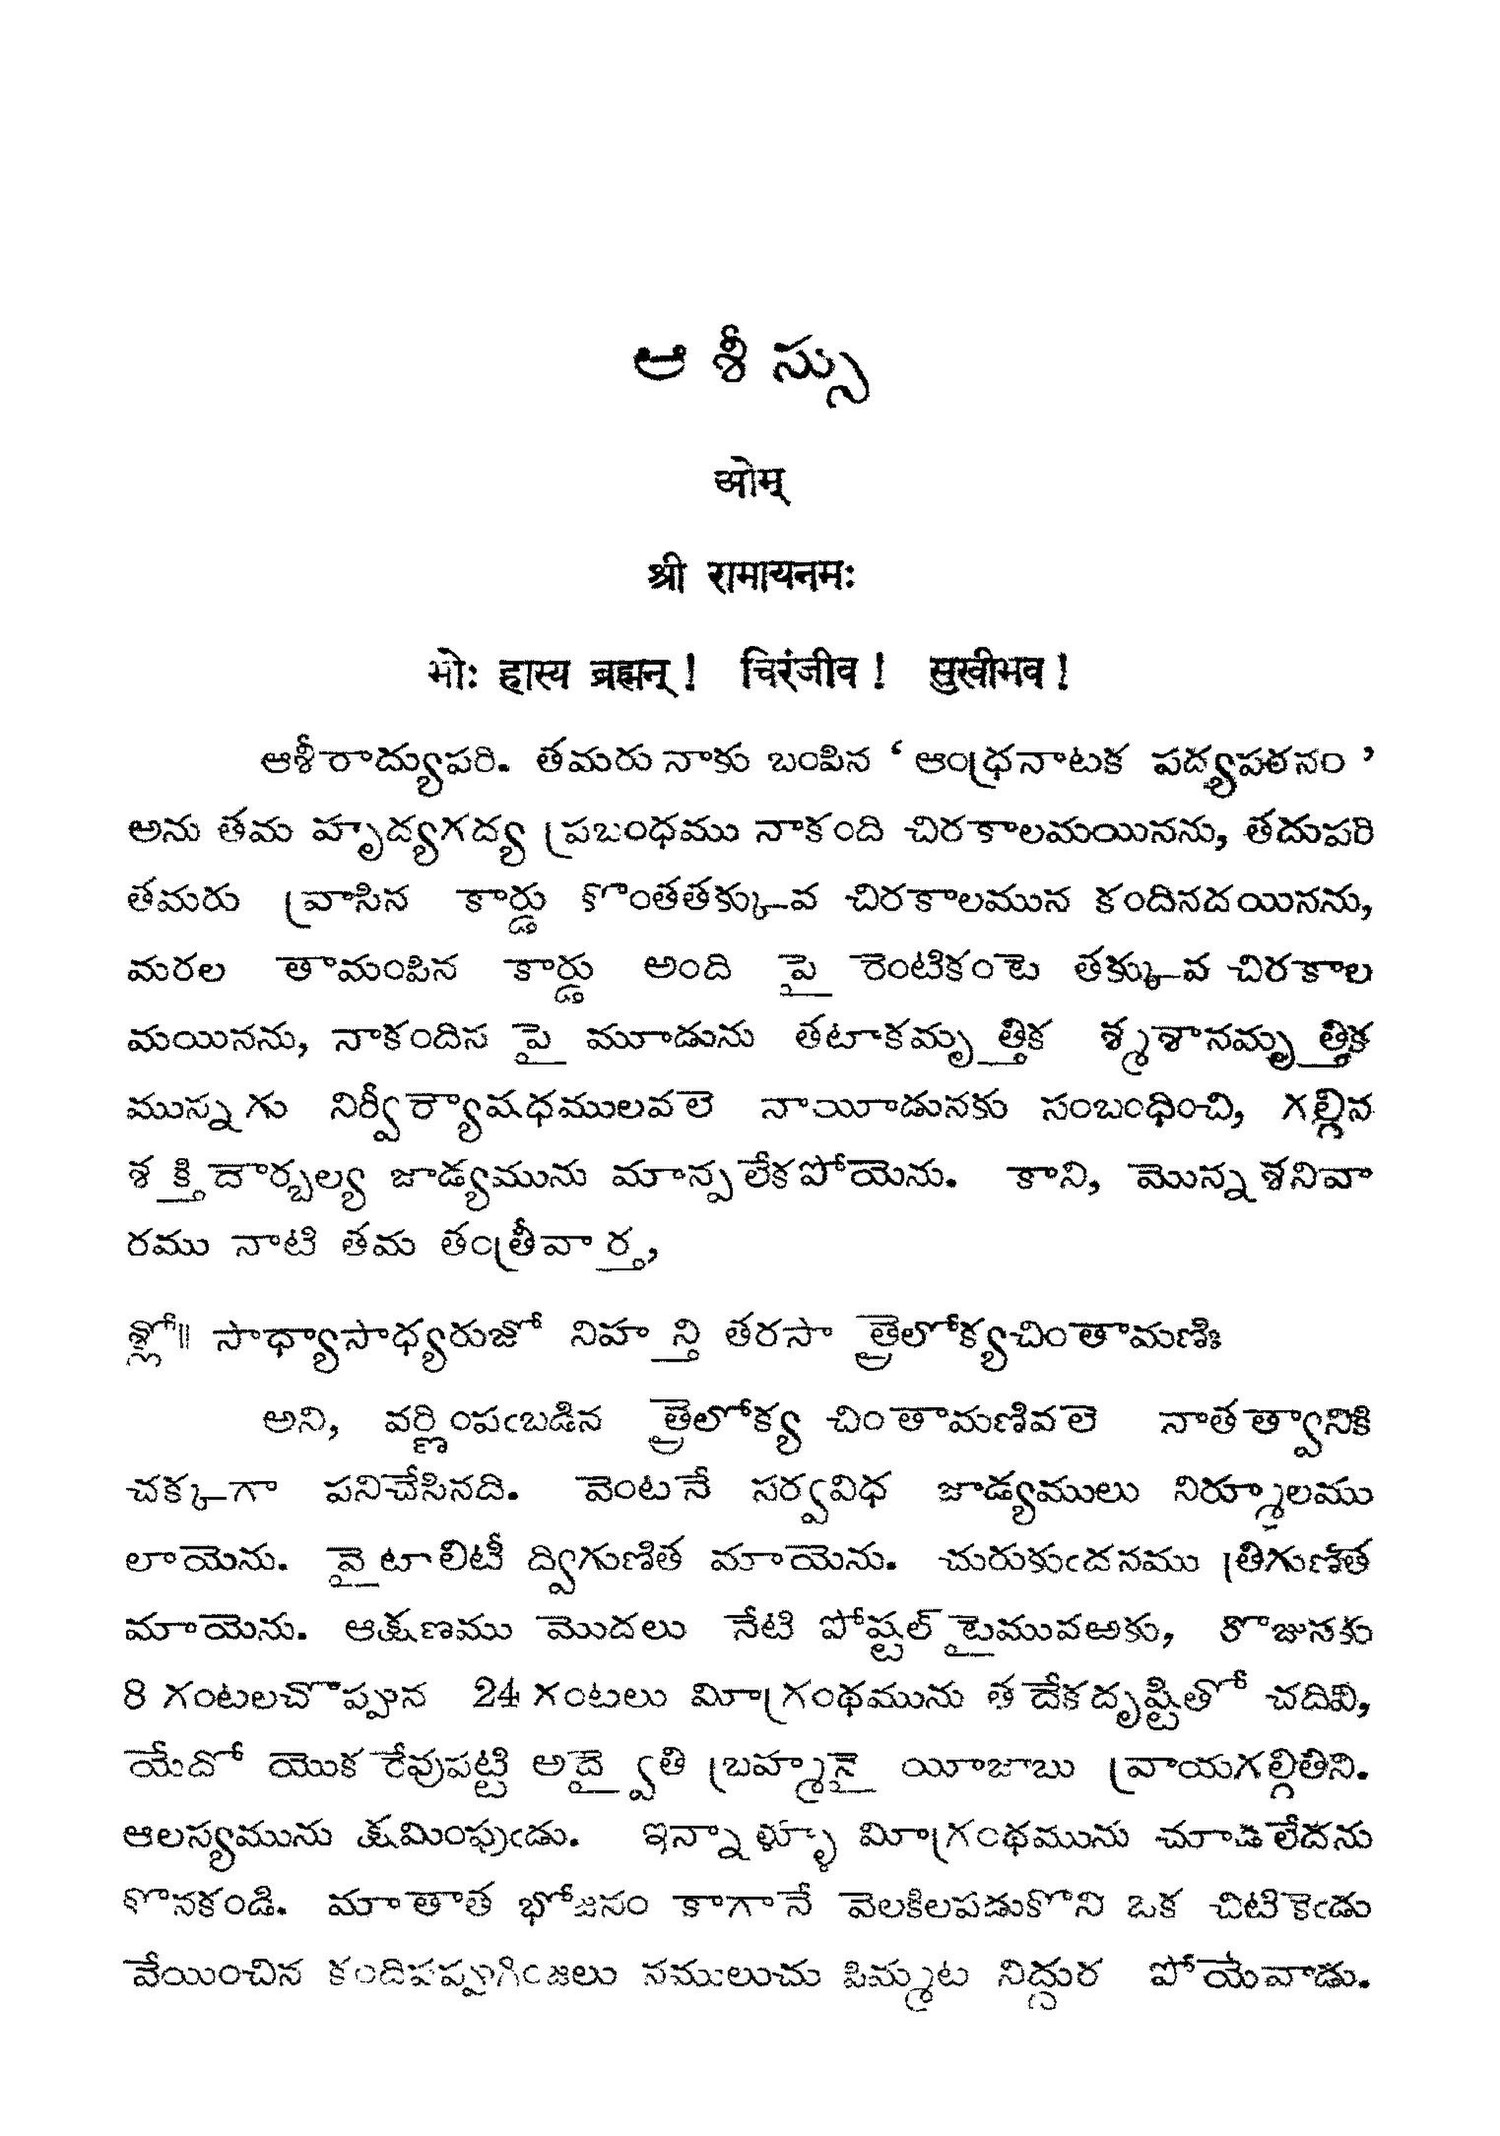ఆశీరాద్యుపరి. తమరు నాకు బంపిన 'ఆంధ్రనాటక పద్యపఠనం'
అను తమ హృద్యగద్య ప్రబంధము నాకంది చిరకాలమయినను, తదుపరి
తమరు వ్రాసిన కార్డు కొంతతక్కువ చిరకాలమున కందినదయినను,
మరల తామంపిన కార్డు అంది పై రెంటికంటె తక్కువ చిరకాల
మయినను, నాకందిన పై మూడును తటాకమృత్తిక శ్మశానమృత్తిక
మున్నగు నిర్వీర్యౌషధములవలె నాయీడునకు సంబంధించి, గల్గిన
శక్తిదౌర్బల్య జాడ్యమును మాన్పలేకపోయెను. కాని, మొన్న శనివా
రము నాటి తమ తంత్రీవార్త,

శ్లో॥ సాధ్యాసాధ్యరుజో నిహన్తి తరసా త్రైలోక్యచింతామణిః

అని, వర్ణింపఁబడిన త్రైలోక్య చింతామణివలె నాతత్వానికి
చక్కగా పనిచేసినది. వెంటనే సర్వవిధ జాడ్యములు నిర్మూలము
లాయెను. వైటాలిటీ ద్విగుణిత మాయెను. చురుకుఁదనము త్రిగుణిత
మాయెను. ఆక్షణము మొదలు నేటి పోస్టల్ టైమువఱకు, రోజునకు
8 గంటలచొప్పున 24 గంటలు మీ గ్రంథమును తదేకదృష్టితో చదివి,
యేదో యొక రేవుపట్టి అద్వైతి బ్రహ్మనై యీజాబు వ్రాయగల్గితిని.
ఆలస్యమును క్షమింపుఁడు. ఇన్నాళ్ళూ మీ గ్రంథమును చూడలేదను
కొనకండి. మాతాత భోజనం కాగానే వెలకిలపడుకొని ఒక చిటికెఁడు
వేయించిన కందిపప్పుగింజలు నములుచు పిమ్మట నిద్దుర పోయేవాడు.